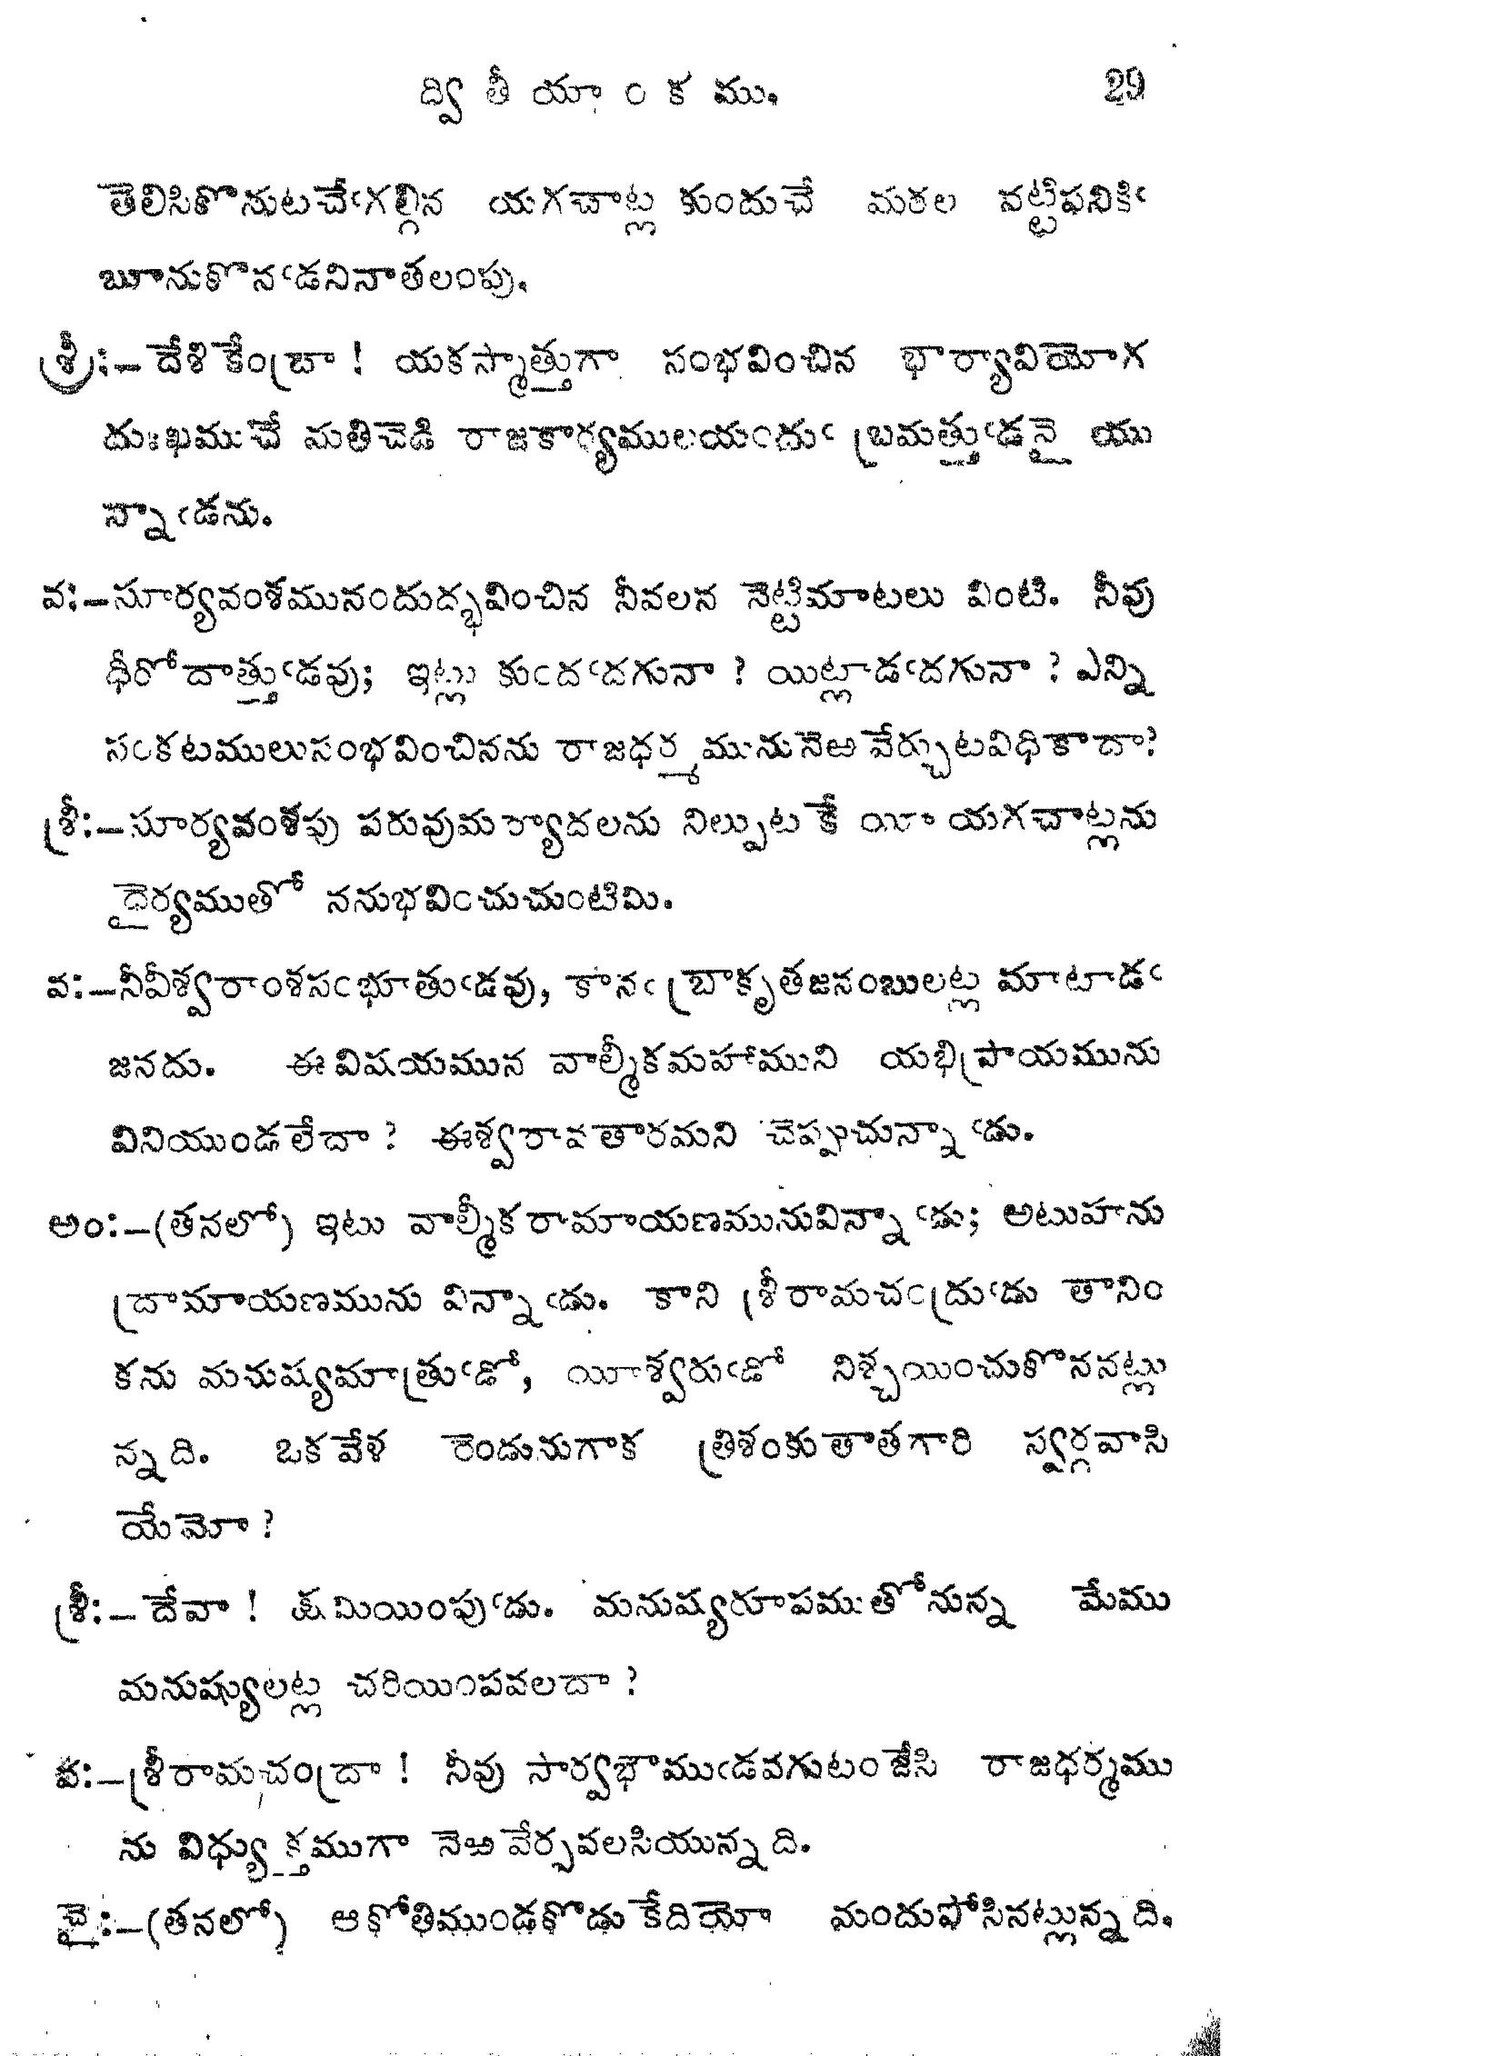తెలిసికొనుటచేఁగల్గిన యగచాట్ల కుందుచే మరల వట్టిపనికి
 బూనుకొనఁడని నాతలంపు,

శ్రీ:- దేశి కేంద్రా ! యకస్మాత్తుగా సంభవించిన భార్యావియోగ
 దుఃఖముచే మతిచెడి రాజు కార్యములయందు బ్రమత్తుడనై 
 యున్నాఁడను.

వ:- సూర్యవంశమునం దుద్భవించిన నీవలన నెట్టి మాటలు ఏంటి. నీవు
 ధీరోదాత్తుడవు; ఇట్లు కుందఁదగునా ! యిట్లాడఁ దగునా ? ఎన్ని
 సంకటములు సంభవించినను రాజ ధర్మమును నేఱు వేర్చుటవిధి కాదా?

శ్రీ:-సూర్యవంశపు పరువు మర్యాదలను నిల్పుటకే యి యగచాట్లను
 ధైర్యముతో ననుభవించు చుంటిమి.

వ:-నీవీశ్వరాంశ సంభూతుఁడవు, కానఁ బ్రాకృత జనంబులట్ల మాటాడఁ
 జనదు.ఈ విషయమున వాల్మీక మహాముని యభిప్రాయమును
 వినియుండ లేదా ? ఈశ్వరావతారమని చెప్పుచున్నాడు.

అం:(తనలో) ఇటు వాల్మీక రామాయణమును విన్నాడు; అటుహను
 ద్రామాయణమును విన్నాడు. కాని శ్రీ రామచంద్రుడు తానిం
 కను మనుష్య మాత్రుడో, యీశ్వరుఁడో నిశ్చయించు కొననట్లు
 న్నది. ఒక వేళ రెండునుగాక త్రిశంకు తాత గారి స్వర్గవాసి
 యేమో?

శ్రీ:- దేవా ! క్షమియింపుఁడు. 'మనుష్య రూపము: తోనున్న మేము
 మనుష్యులట్ల చరియింప వలదా ?

ప: శ్రీరామచంద్రా ! నీవు సార్వభౌముఁడవగుటం జేసి రాజధర్మము
 ను విధ్యుక్తముగా వెఱవేర్పవలసి యున్నది

వై :-(తనలో) ఆకోతి ముండ కొడుకేదియో మందు పోసినట్లున్నది.